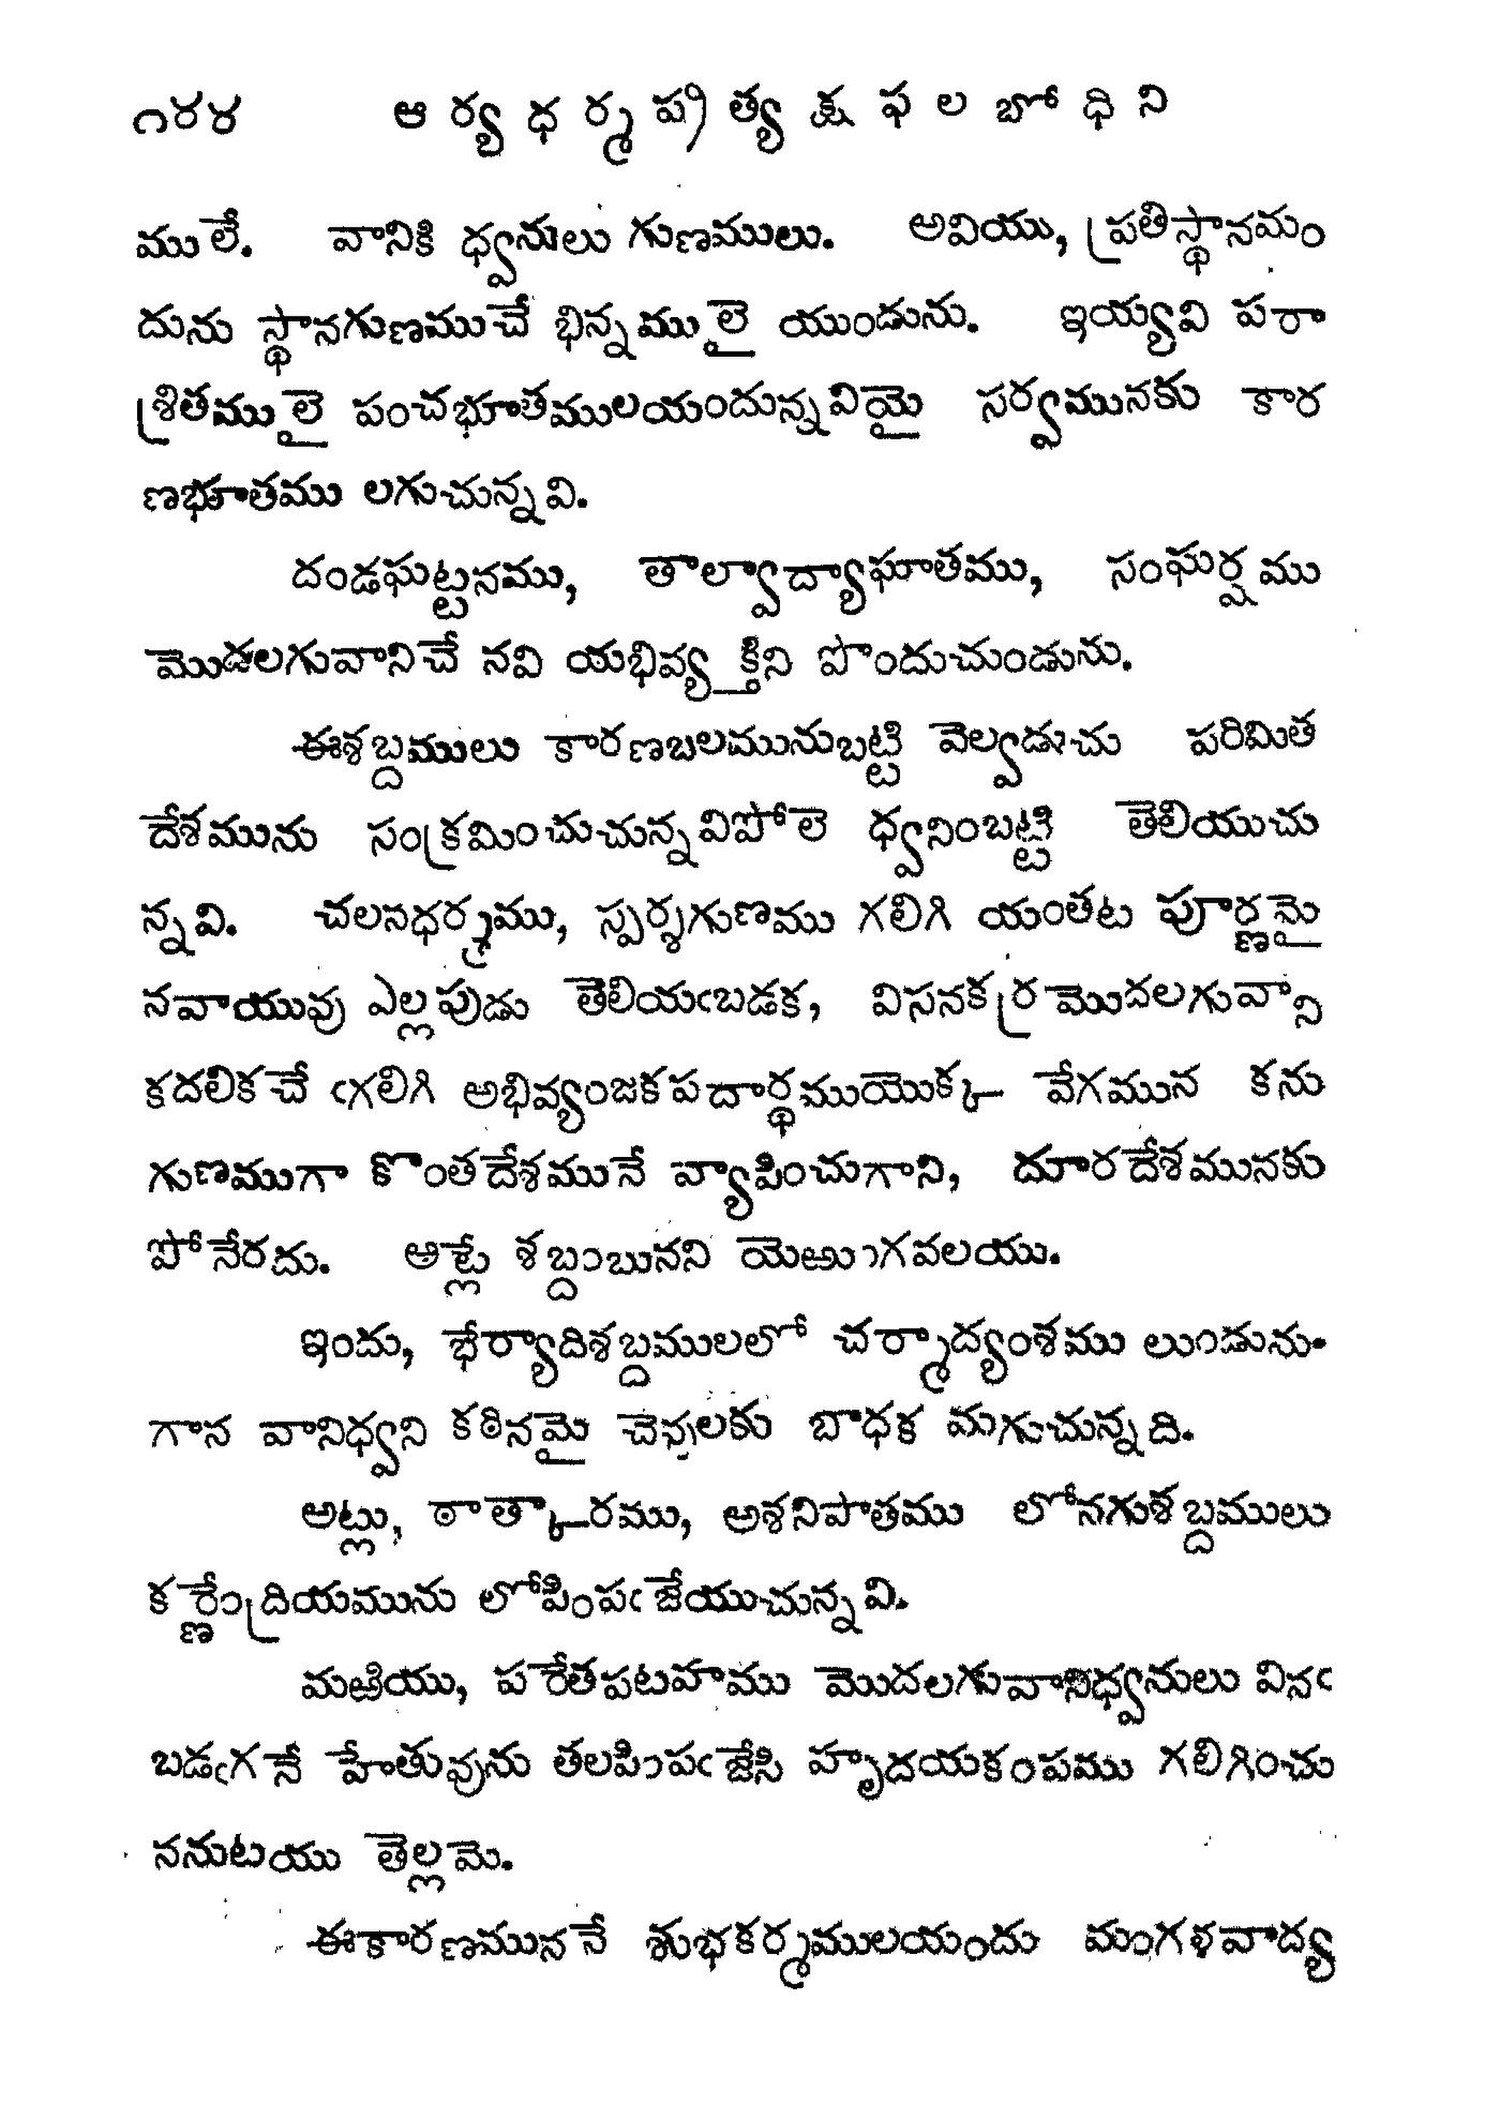ములే. వానికి ధ్వనులు గుణములు. అవియు, ప్రతిస్థానమందును స్థానగుణముచే భిన్నములై యుండును. ఇయ్యవి పరాశ్రితములై పంచభూతములయందున్నవియై సర్వమునకు కారణభూతము లగుచున్నవి.

దండఘట్టనము, తాల్వాద్యాఘాతము, సంఘర్షము మొదలగువానిచే నవి యభివ్యక్తిని పొందుచుండును.

ఈశబ్దములు కారణబలమునుబట్టి వెల్వడుచు పరిమిత దేశమును సంక్రమించుచున్నవిపోలె ధ్వనింబట్టి తెలియుచున్నవి. చలనధర్మము, స్పర్శగుణము గలిగి యంతట పూర్ణమైనవాయువు ఎల్లపుడు తెలియఁబడక, విసనకర్రమొదలగువాని కదలికచే గలిగి అభివ్యంజకపదార్థముయొక్క వేగమున కను
గుణముగా కొంతదేశమునే వ్యాపించుగాని, దూరదేశమునకు పోనేరదు. అట్లే శబ్దంబునని యెఱుంగవలయు.

ఇందు, భేర్యాదిశబ్దములలో చర్మాద్యంశము లుండును. గాన వానిధ్వని కఠినమై చెవులకు బాధక మగుచున్నది.

అట్లు, ఠాత్కారము, అశనిపాతము లోనగుశబ్దములు కర్ణేంద్రియమును లోపింపఁజేయుచున్నవి.

మఱియు, పరేతపటహము మొదలగువానిధ్వనులు వినఁబడఁగనే హేతువును తలపింపఁజేసి హృదయకంపము గలిగించు ననుటయు తెల్లమె.

ఈకారణముననే శుభకర్మములయందు మంగళవాద్య